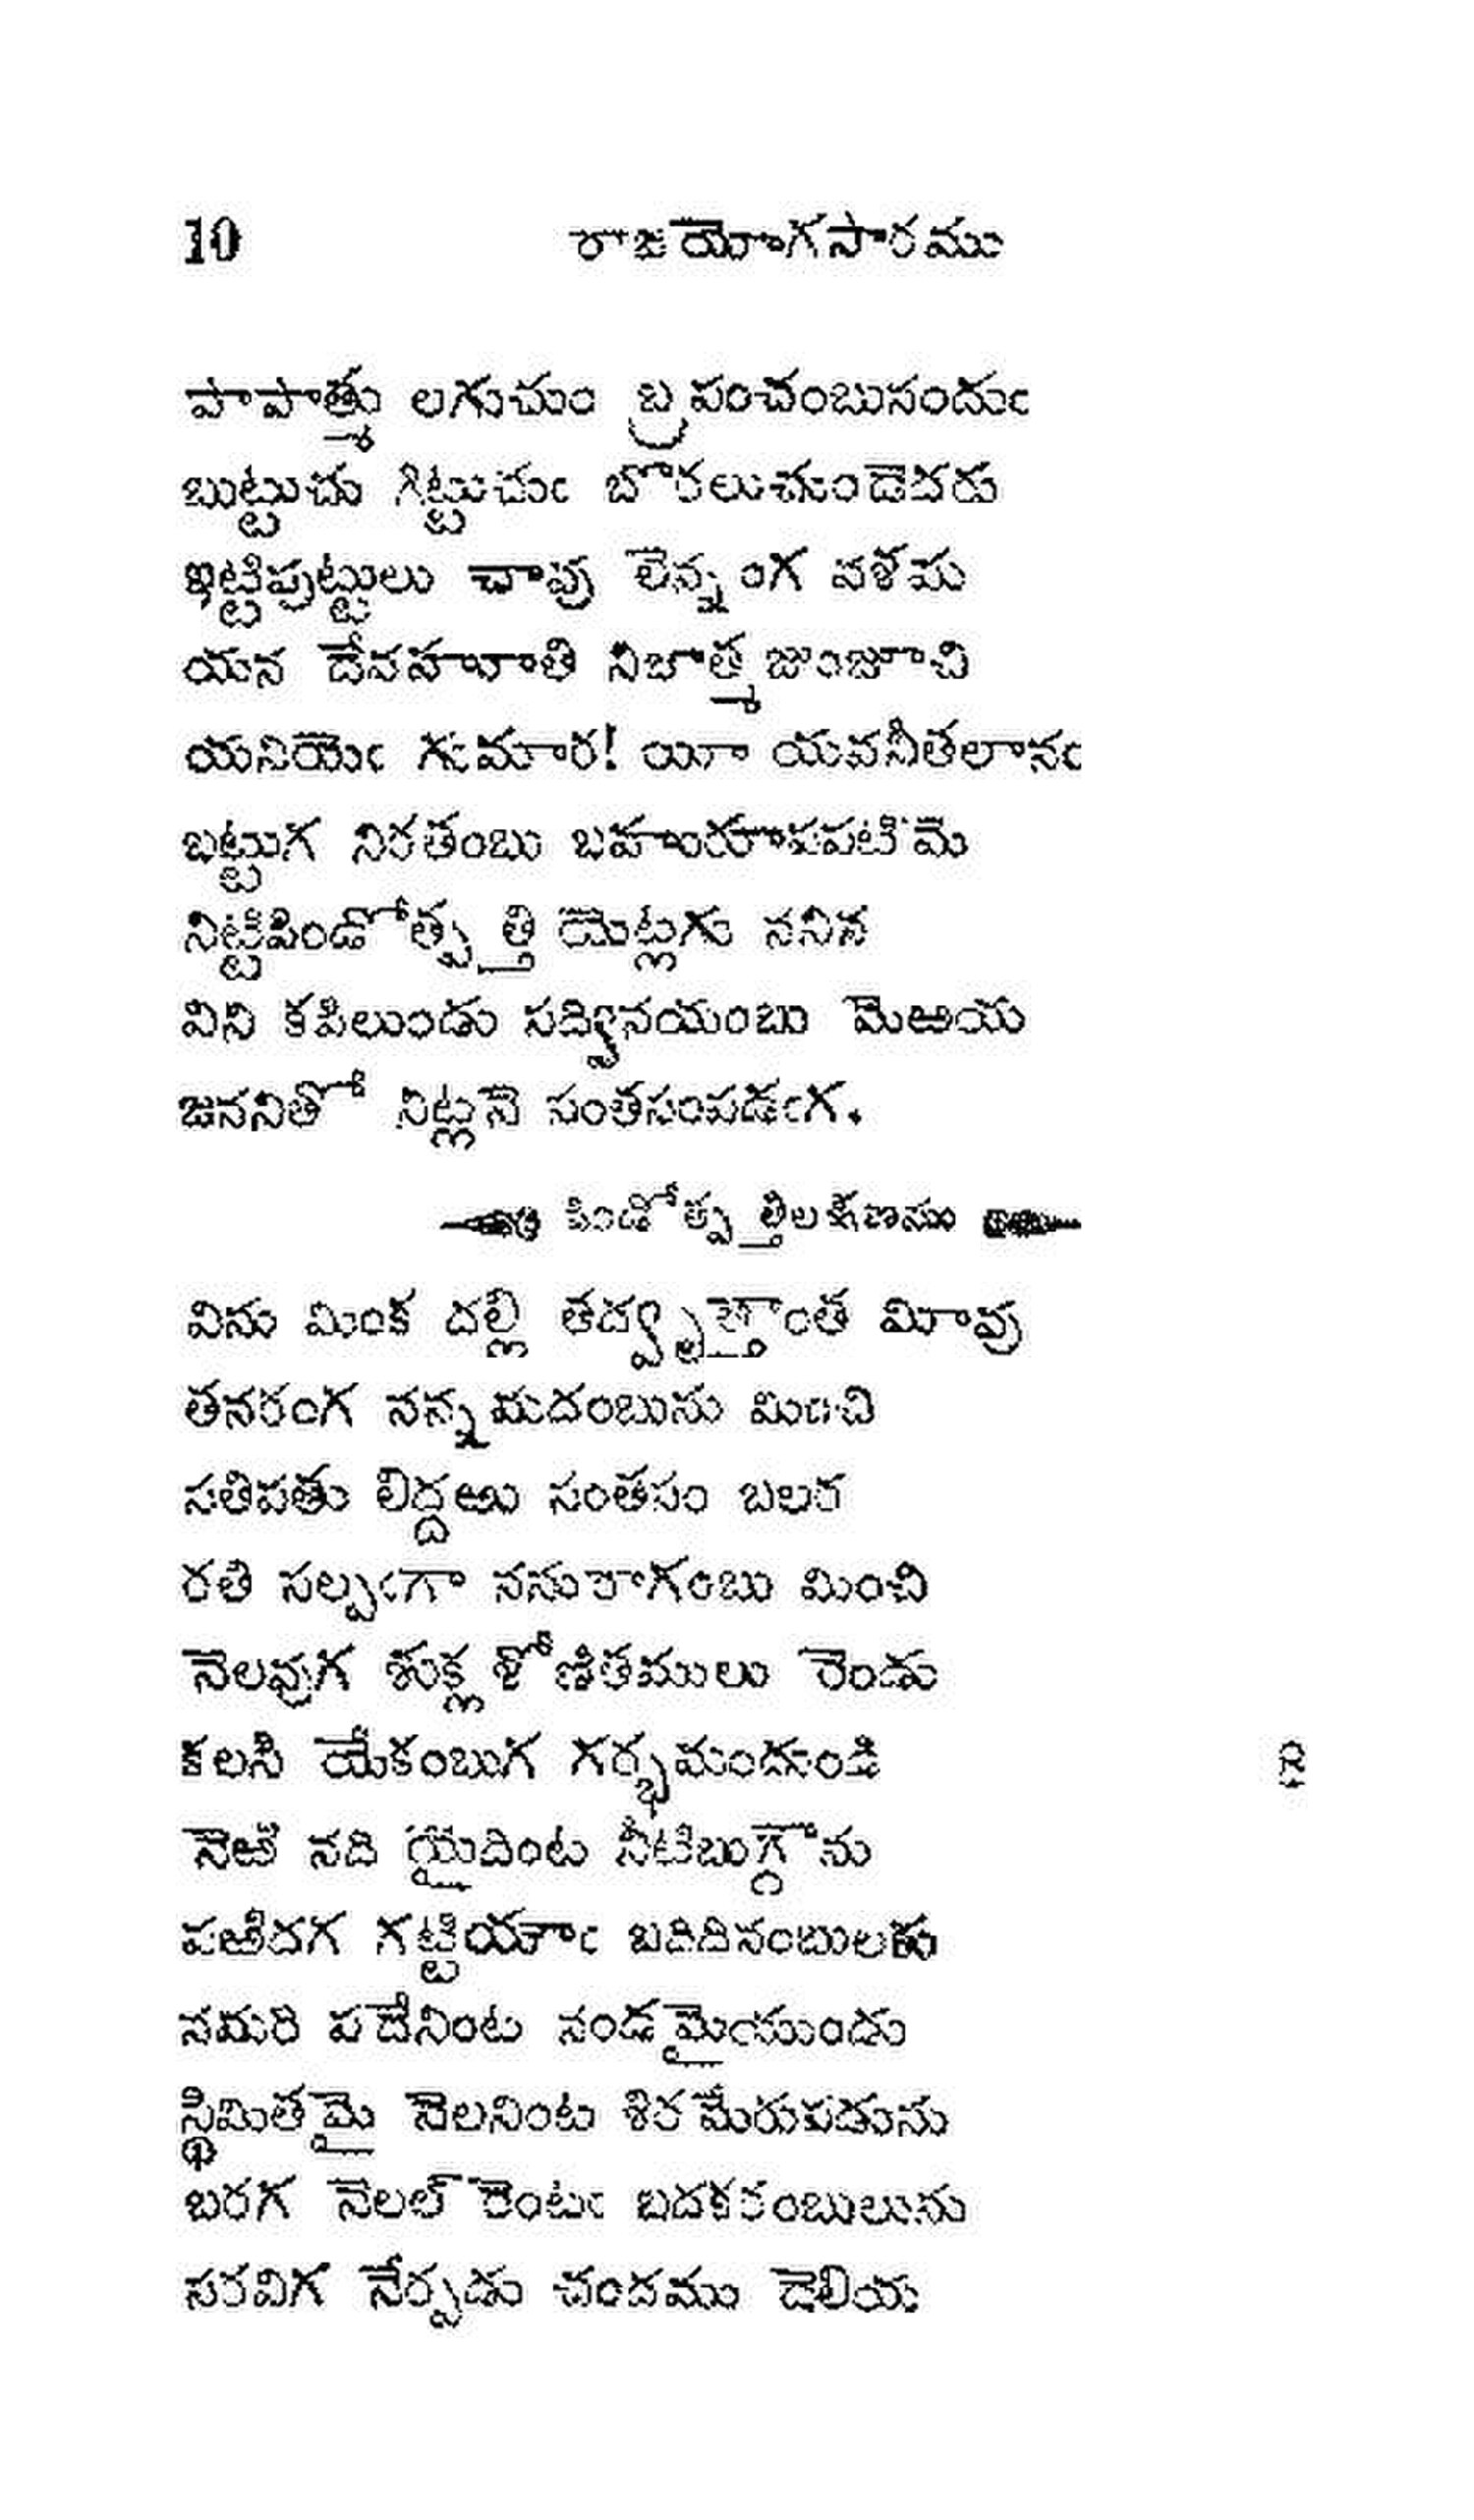పాపాత్ము లగుచుం బ్రపంచంబునందుఁ
బుట్టుచు గిట్టుచుఁ బొరలుచుండెదరు
ఇట్టిపుట్టులు చావు లెన్నంగ వశమ
యన దేవహూతి నిజాత్మజుంజూచి
యనియెఁ గుమార! యీయవనీతలానఁ
బట్టుగ నిరతంబు బహురూపపటిమె
నిట్టిపిండోత్పత్తి యెట్లగు ననిన
విని కపిలుండు సద్వినయంబు మెఱయ
జననితో నిట్లనె సంతసంపడఁగ.

 

 
విను మింక దల్లి తద్వృత్తాంత మీవు
తనరంగ నన్నమదంబును మించి
సతిపతు లిద్దఱు సంతసం బలర 
రతి సల్పఁగా ననురాగంబు మించి
నెలవుగ శుక్ల శోణితములు రెండు
కలసి యేకంబుగ గర్భమందుండి 
నెఱి నది యైదింట నీటిబుగ్గౌను
పఱిదగ గట్టియౌఁ బదిదినంబులకు
నమరి పదేనింట నండమైయుండు
స్థిమితమై నెలనింట శిరమేరుపడును
బరగ నేలల్ రెంటఁ బదకరంబులును
సరవిగ నేర్పడు చందము దెలియ